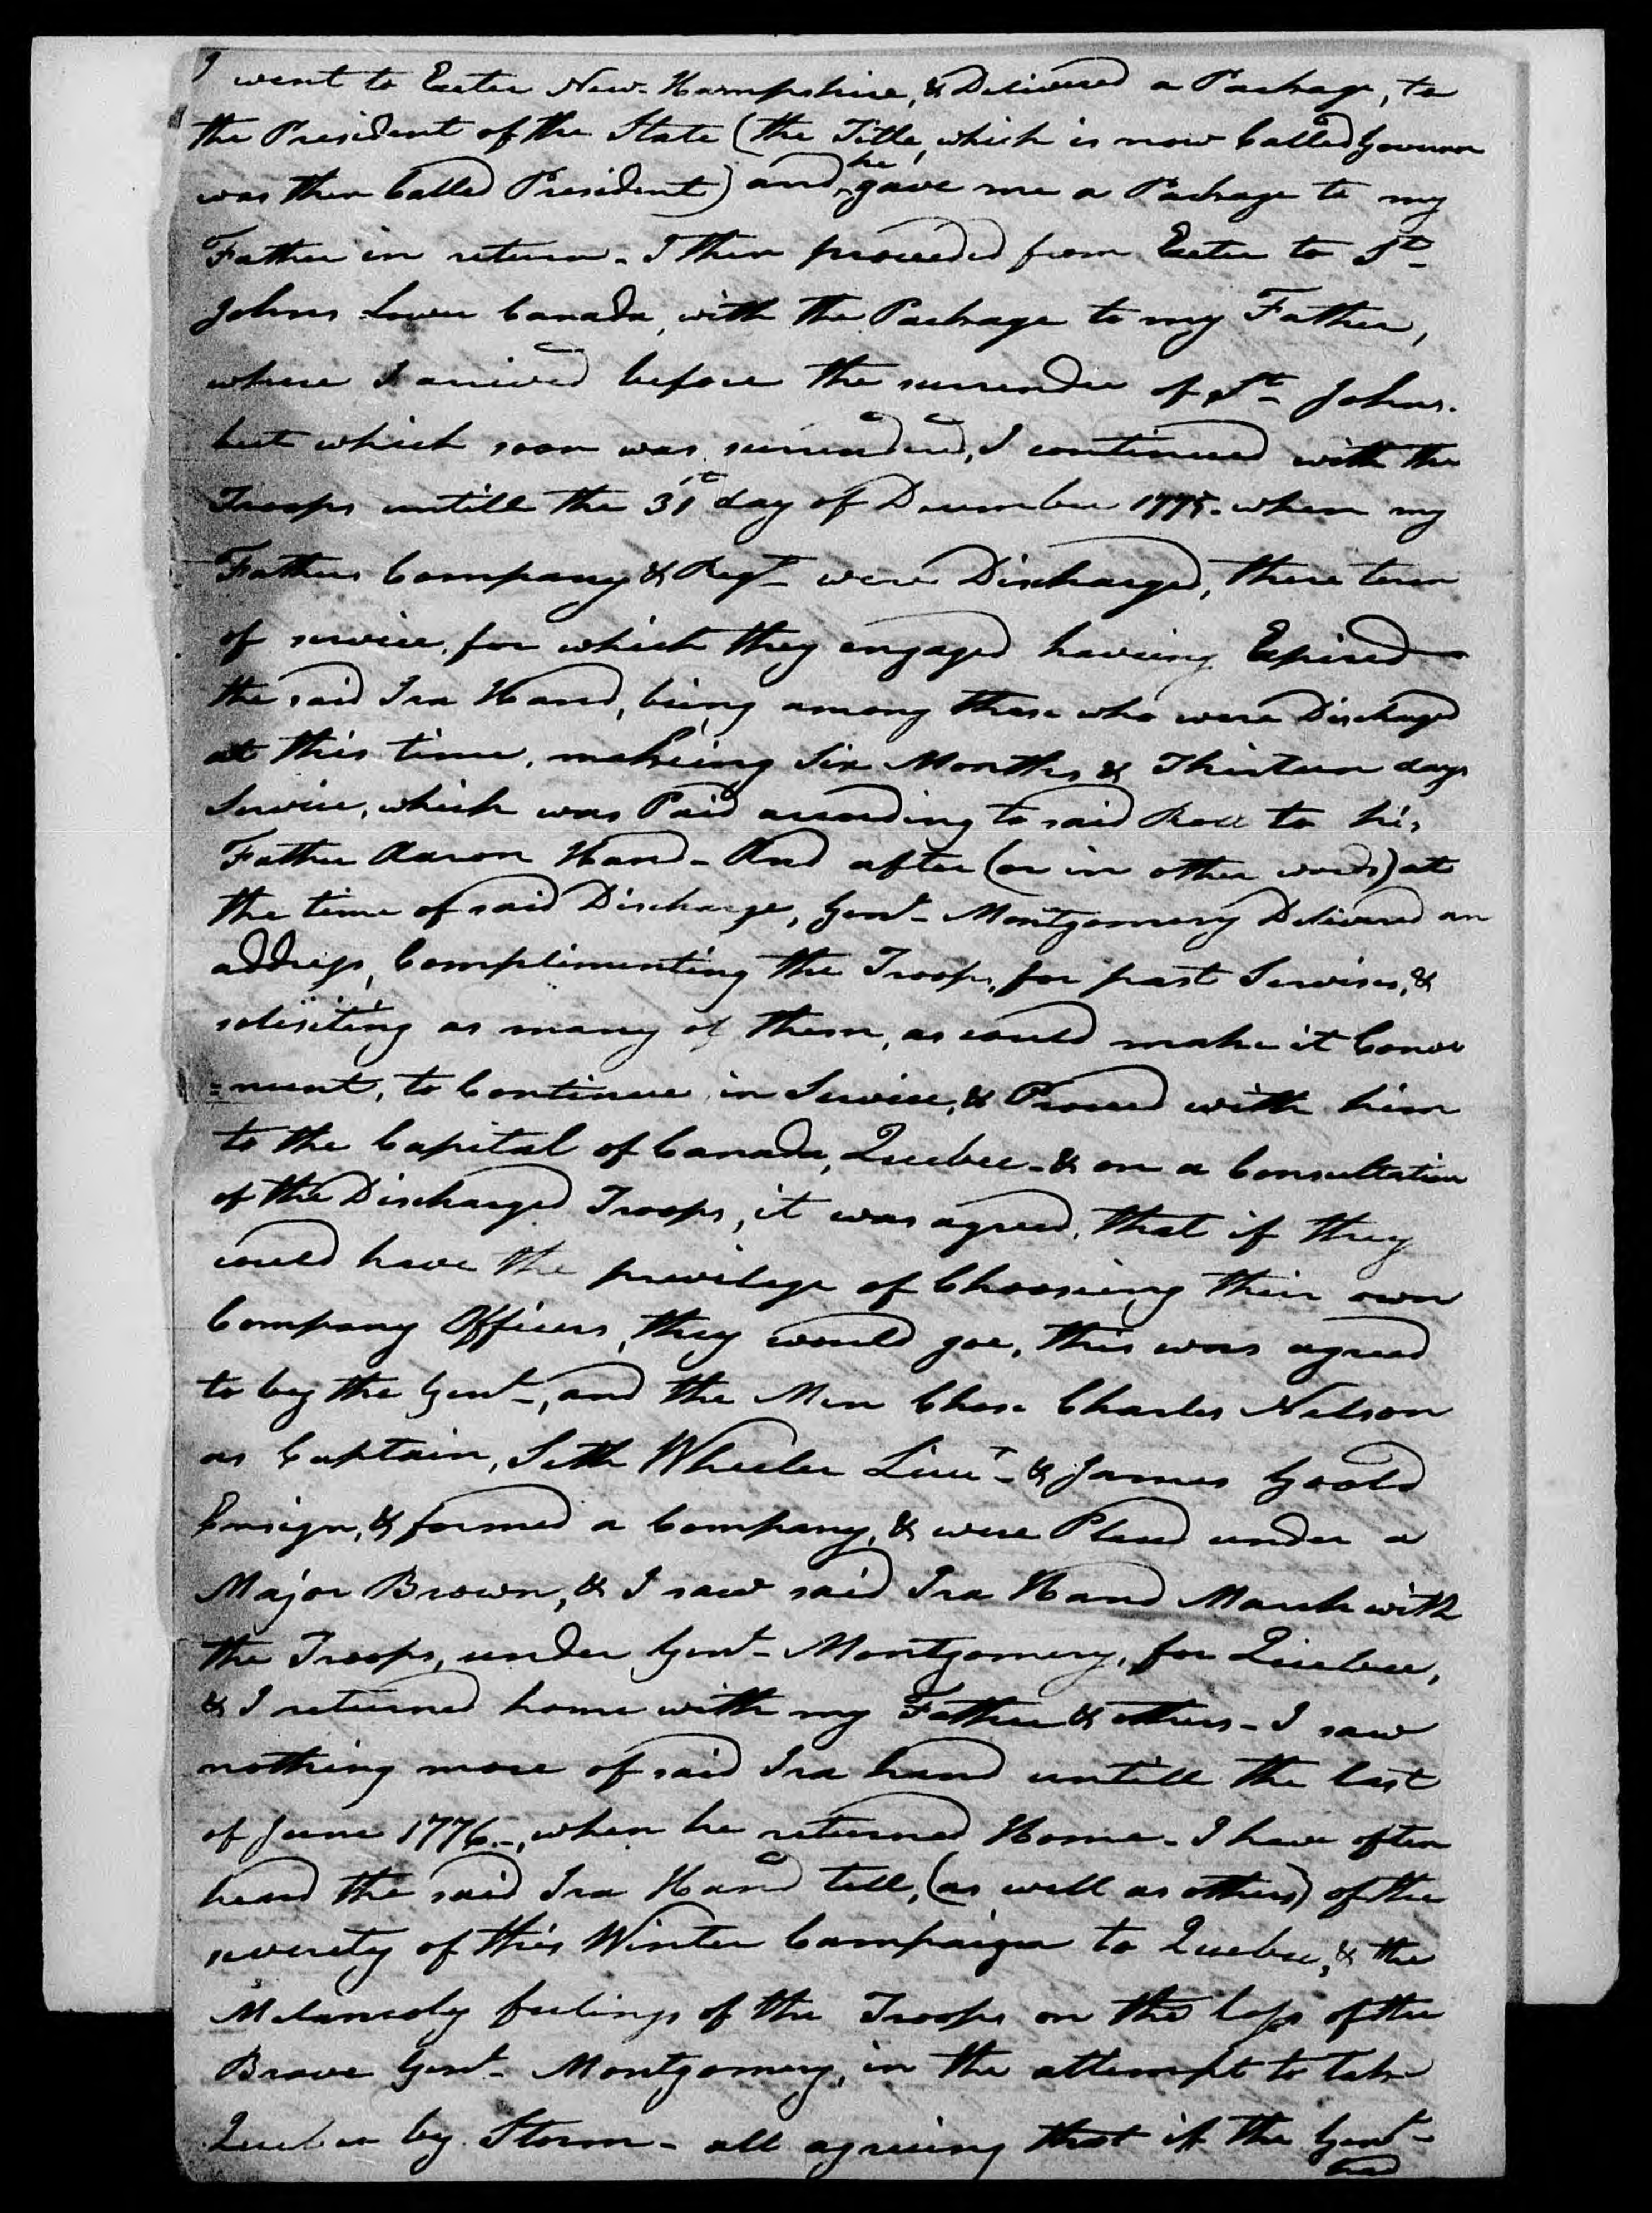I
went to Enter New Hampshire, & delivered a package, to
the President of the State (the Title, which is now called you
was then called President) and gave me a package to my
Father in return. then proceeded from Ester to
John Lower Canada, with the package to my father
where deceived before the mind of St Johns
but which soon was sung and, I continued with the
Troops until the 31 day of December 1775 when my
Fathers Company & Regt were Discharged, there term of
service, for which they engaged having refused
the said Ira Hand, being among those who were discharged
at this time, making six Months & Thirteen days
service, which was paid according to said Rose to his
Father Aaron Hand- And after (or in other words) at
the time of said Discharge, Genl Montgomery Delivered an
aldegs, complementing the Troop for past Servises, &
solisiting as many of them, as could make it conve
ment, to continue in service, & proceed with him
to the Capital of Canada Quebee & on a consultation
of the Discharged Troops, it was agreed, that if they
could have the privilege of choosing their own
---
Company Officers, they would goe, this was agreed
to by the Genl, and the Men Chase Charles Nelson
as Captain, Seth Wheeler Line & James
Goold
Ensign, & formed a Company, & were placed under
Major Brown, & I saw said Ira and March with
the Troops, under Genl Montgomery, for Liber
I returned home with my Father & others-- I saw
nothing more of said In hand untill the last
of June 1776 when he returned home I have often
head the said Ira Hand tell, (as well as others) of the
verity of this winter campaign to Quebe, & the
Manly feelings of the Troops on the loss of the
Brove Genl Montgomery, in the attempt to take
ember by Storm. all agreeing that in the year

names: Ira Hand, Ira Hand, Ira Hand, Ira Hand, Brown, Charles Nelson, Aaron Hand, Montgomery, Montgomery, Seth Wheeler, James Goold, Montgomery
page: 32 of 42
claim: widow's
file: W. 19,722, Ira Hand, N.H. Vt.